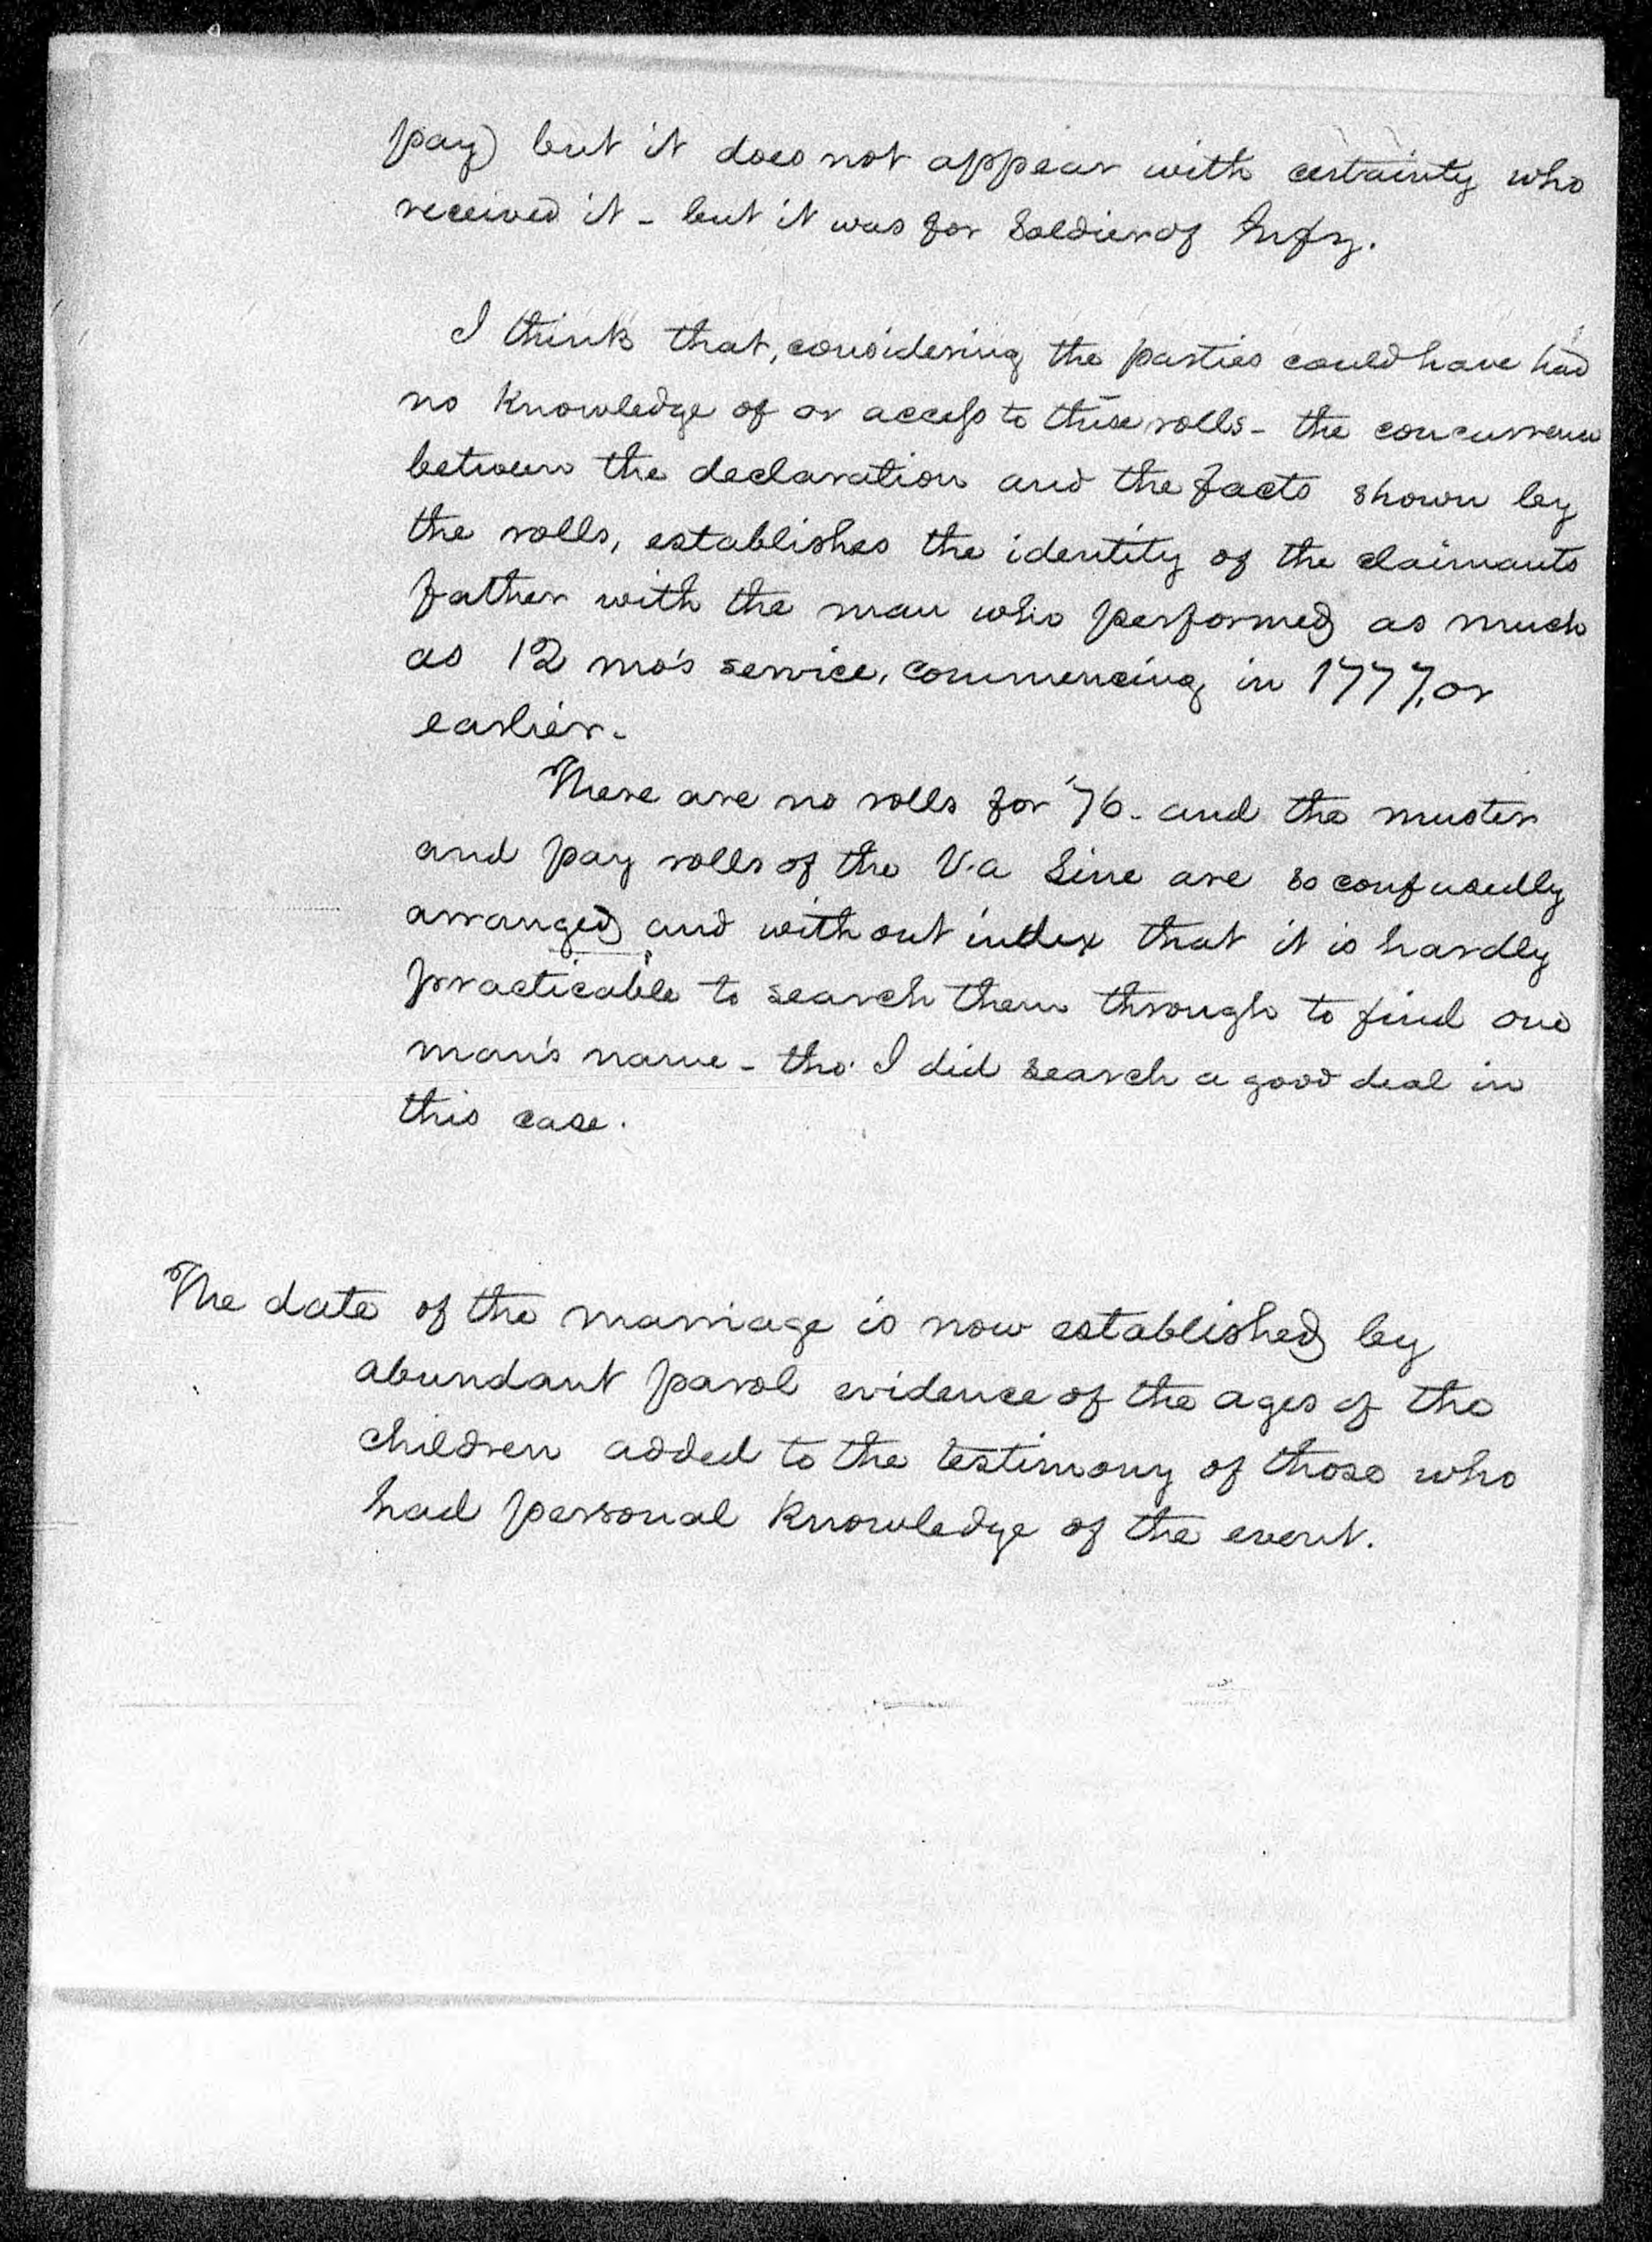-
pay) but it does not appear with certainty who received it--but it was for Soldier of Infy.

I think that considering the parties could have had no knowledge of or access to these rolls, the concurrence between the declaration and the facts shown by the rolls, establishes the identity of the claimants father with the man who performed as much as 12 mo's service commencing in 1777, or earlier.
There are no rolls for '76, and the muster and pay rolls of the Va Line are so confusedly arranged and without index that it is hardly practicable to search them through to find one man's name--tho I did search a good deal in this case.

The date of the marriage is now established by abundant parol evidence of the ages of the children added to the testimony of those who had personal knowledge of the event.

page: 25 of 75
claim: widow's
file: W. 8876, Thomas Gregory, Continental Va